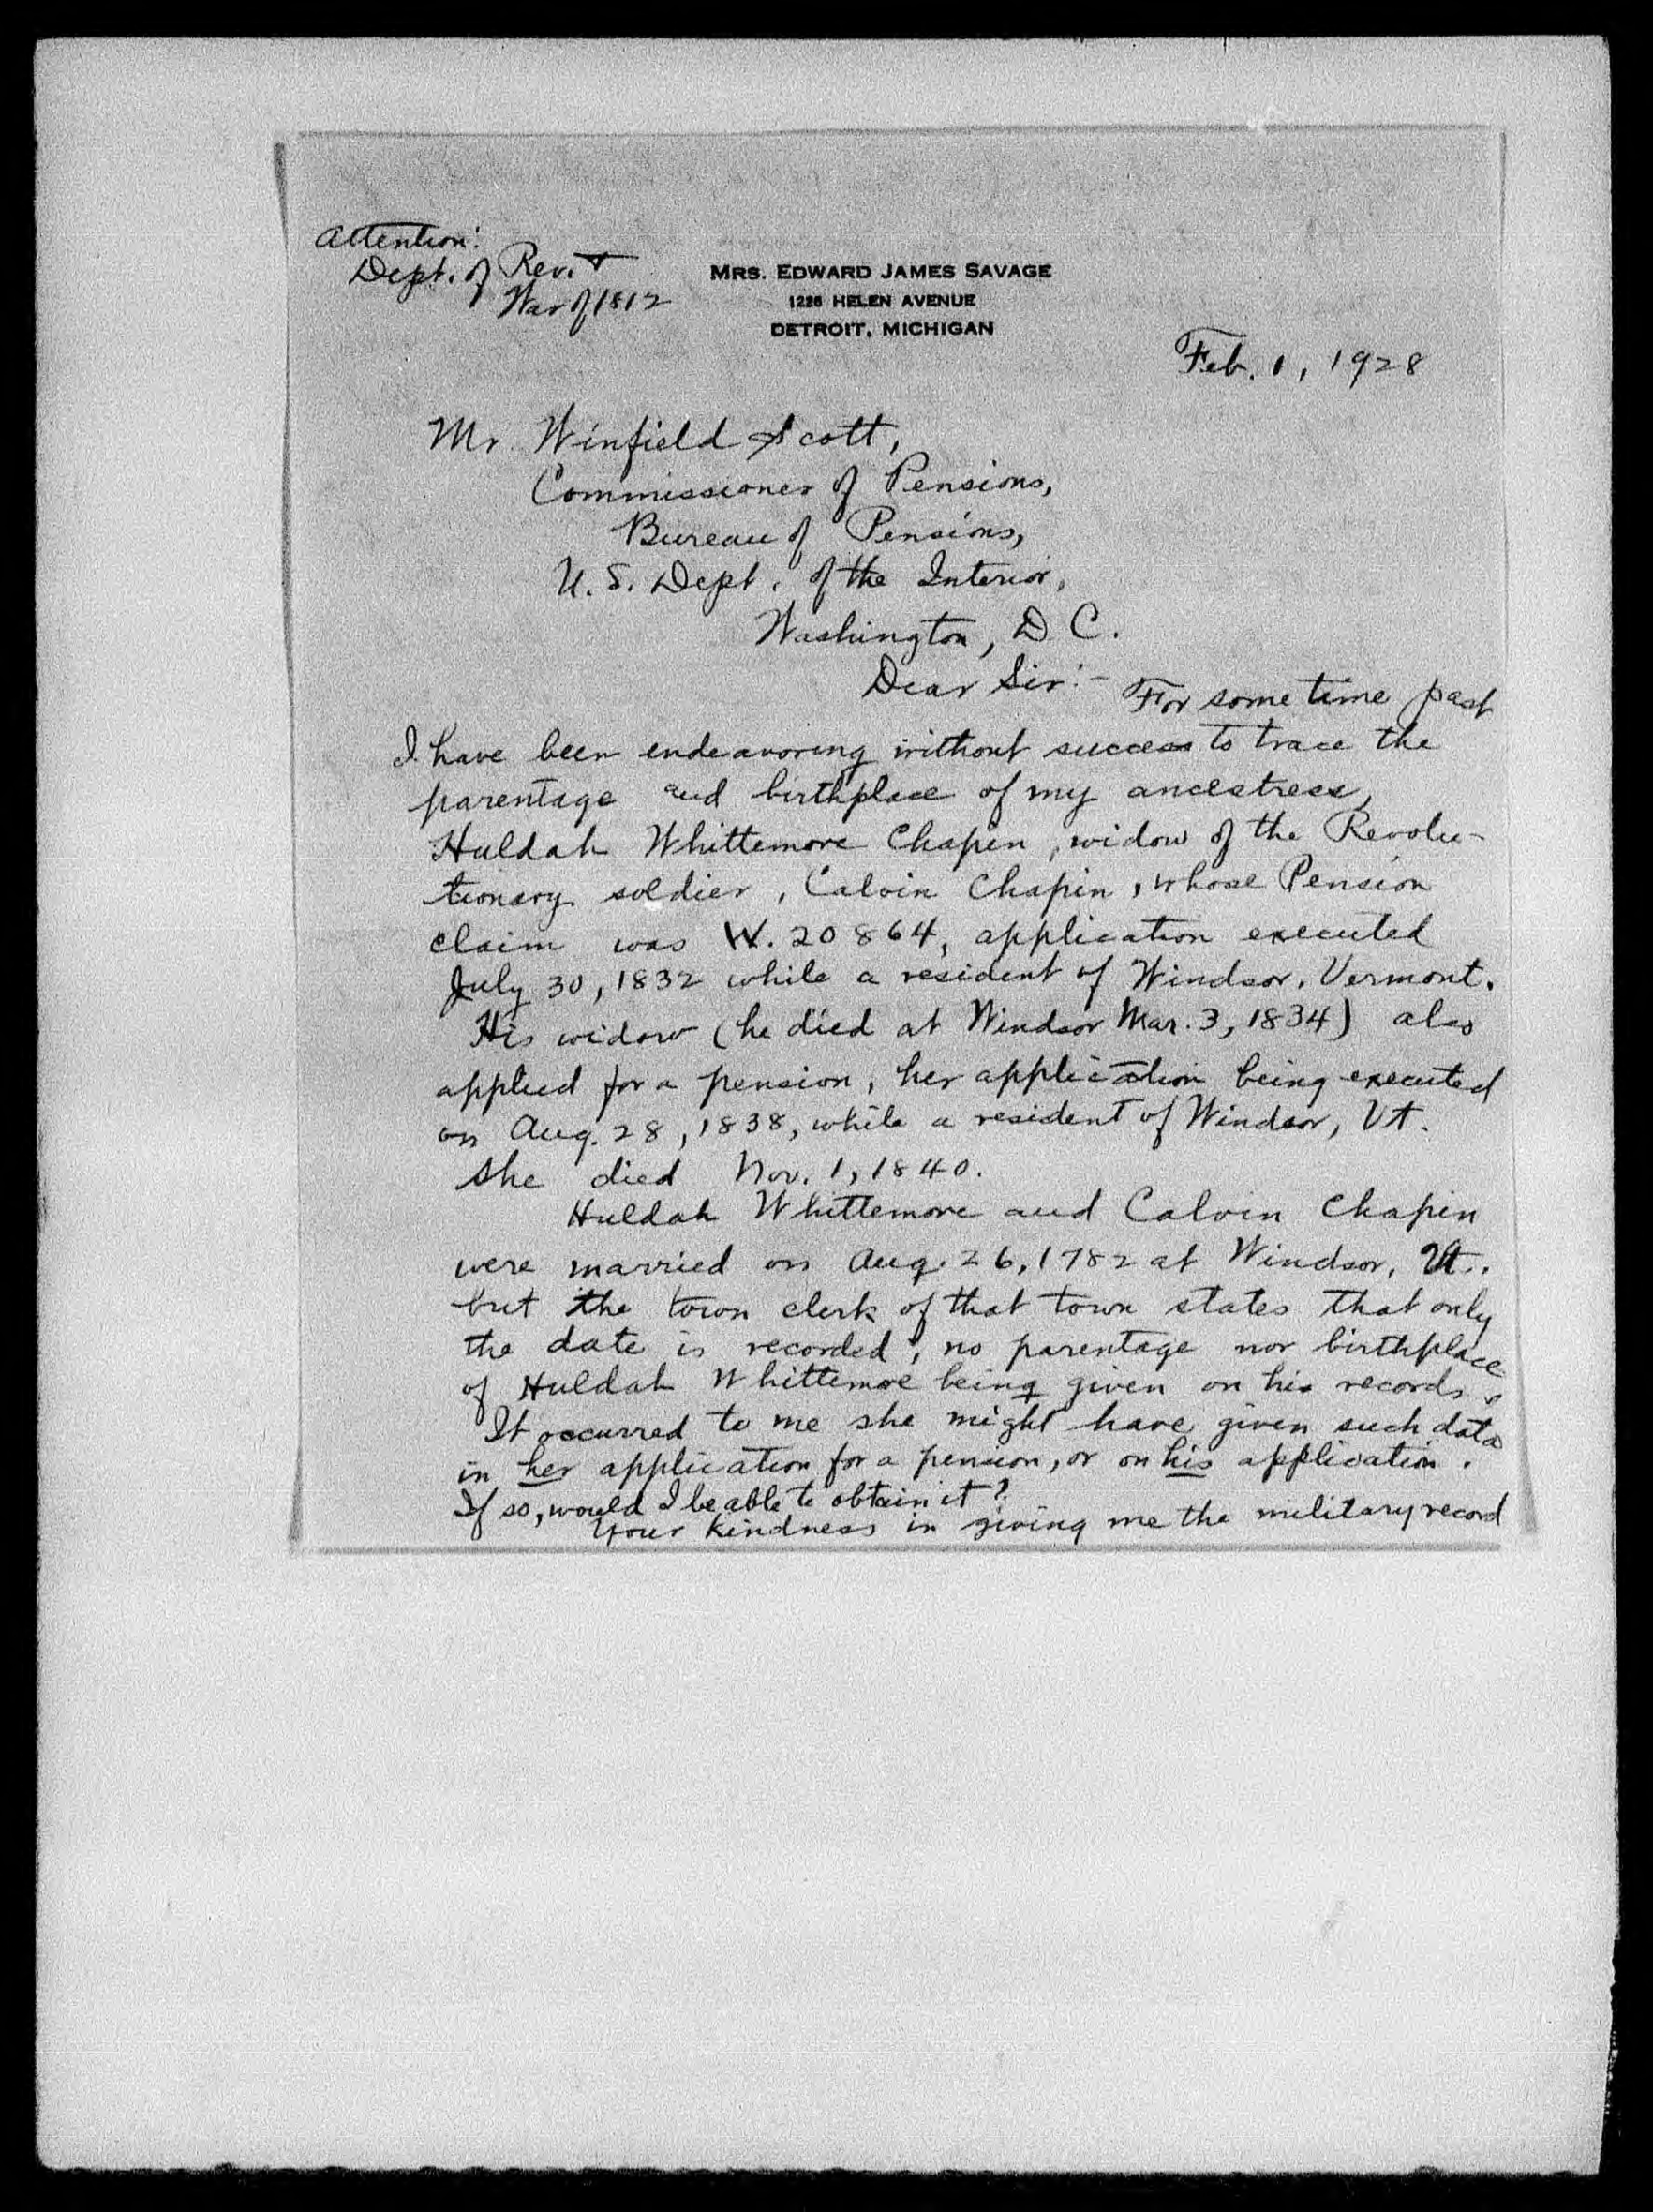[handwritten letter]
[letterhead: MRS. EDWARD JAMES SAVAGE 1226 HELEN AVENUE DETROIT, MICHIGAN]

Attention: Dep. of Rev. + War of 1812
Feb. 1, 1928

Mr. Winfield Scott,
Commissioner of Pensions, 
Bureau of Pensions, 
U. S. Dept. of the Interior, 
Washington, D. C. 

Dear Sir: - 
For some time past I have been endeavoring without success to trace the parentage and birthplace of my ancestress, Huldah Whittemore Chapin, widow of the Revolutionary soldier, Calvin Chapin, whose Pension claim was W. 20864, application executed July 30, 1832 while a resident of Windsor, Vermont. His widow (he died at Windsor Mar. 3, 1834) also applied for a pension, her application being executed on Aug. 28, 1838, while a resident of Windsor, Vt. She died Nov. 1, 1840.
Huldah Whittemore and Calvin Chapin were married on Aug. 26, 1782 at Windsor, Vt., but the town clerk of the town states that only the date is recorded, no parentage nor birthplace of Huldah Whittemore being given on his records.
If occurred to me she might have given such date in her application for a pension, or on his application. If so, would I be able to obtain it?
Your kindness in giving me the military record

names: Calvin Chapin, Huldah Whittemore, Winfield Scott, Calvin Chapin, Huldah Whittemore, Edward James Savage, Huldah Whittemore Chapin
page: 27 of 35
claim: widow's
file: W. 20,864, Calvin Chapin, Mass. Vt.